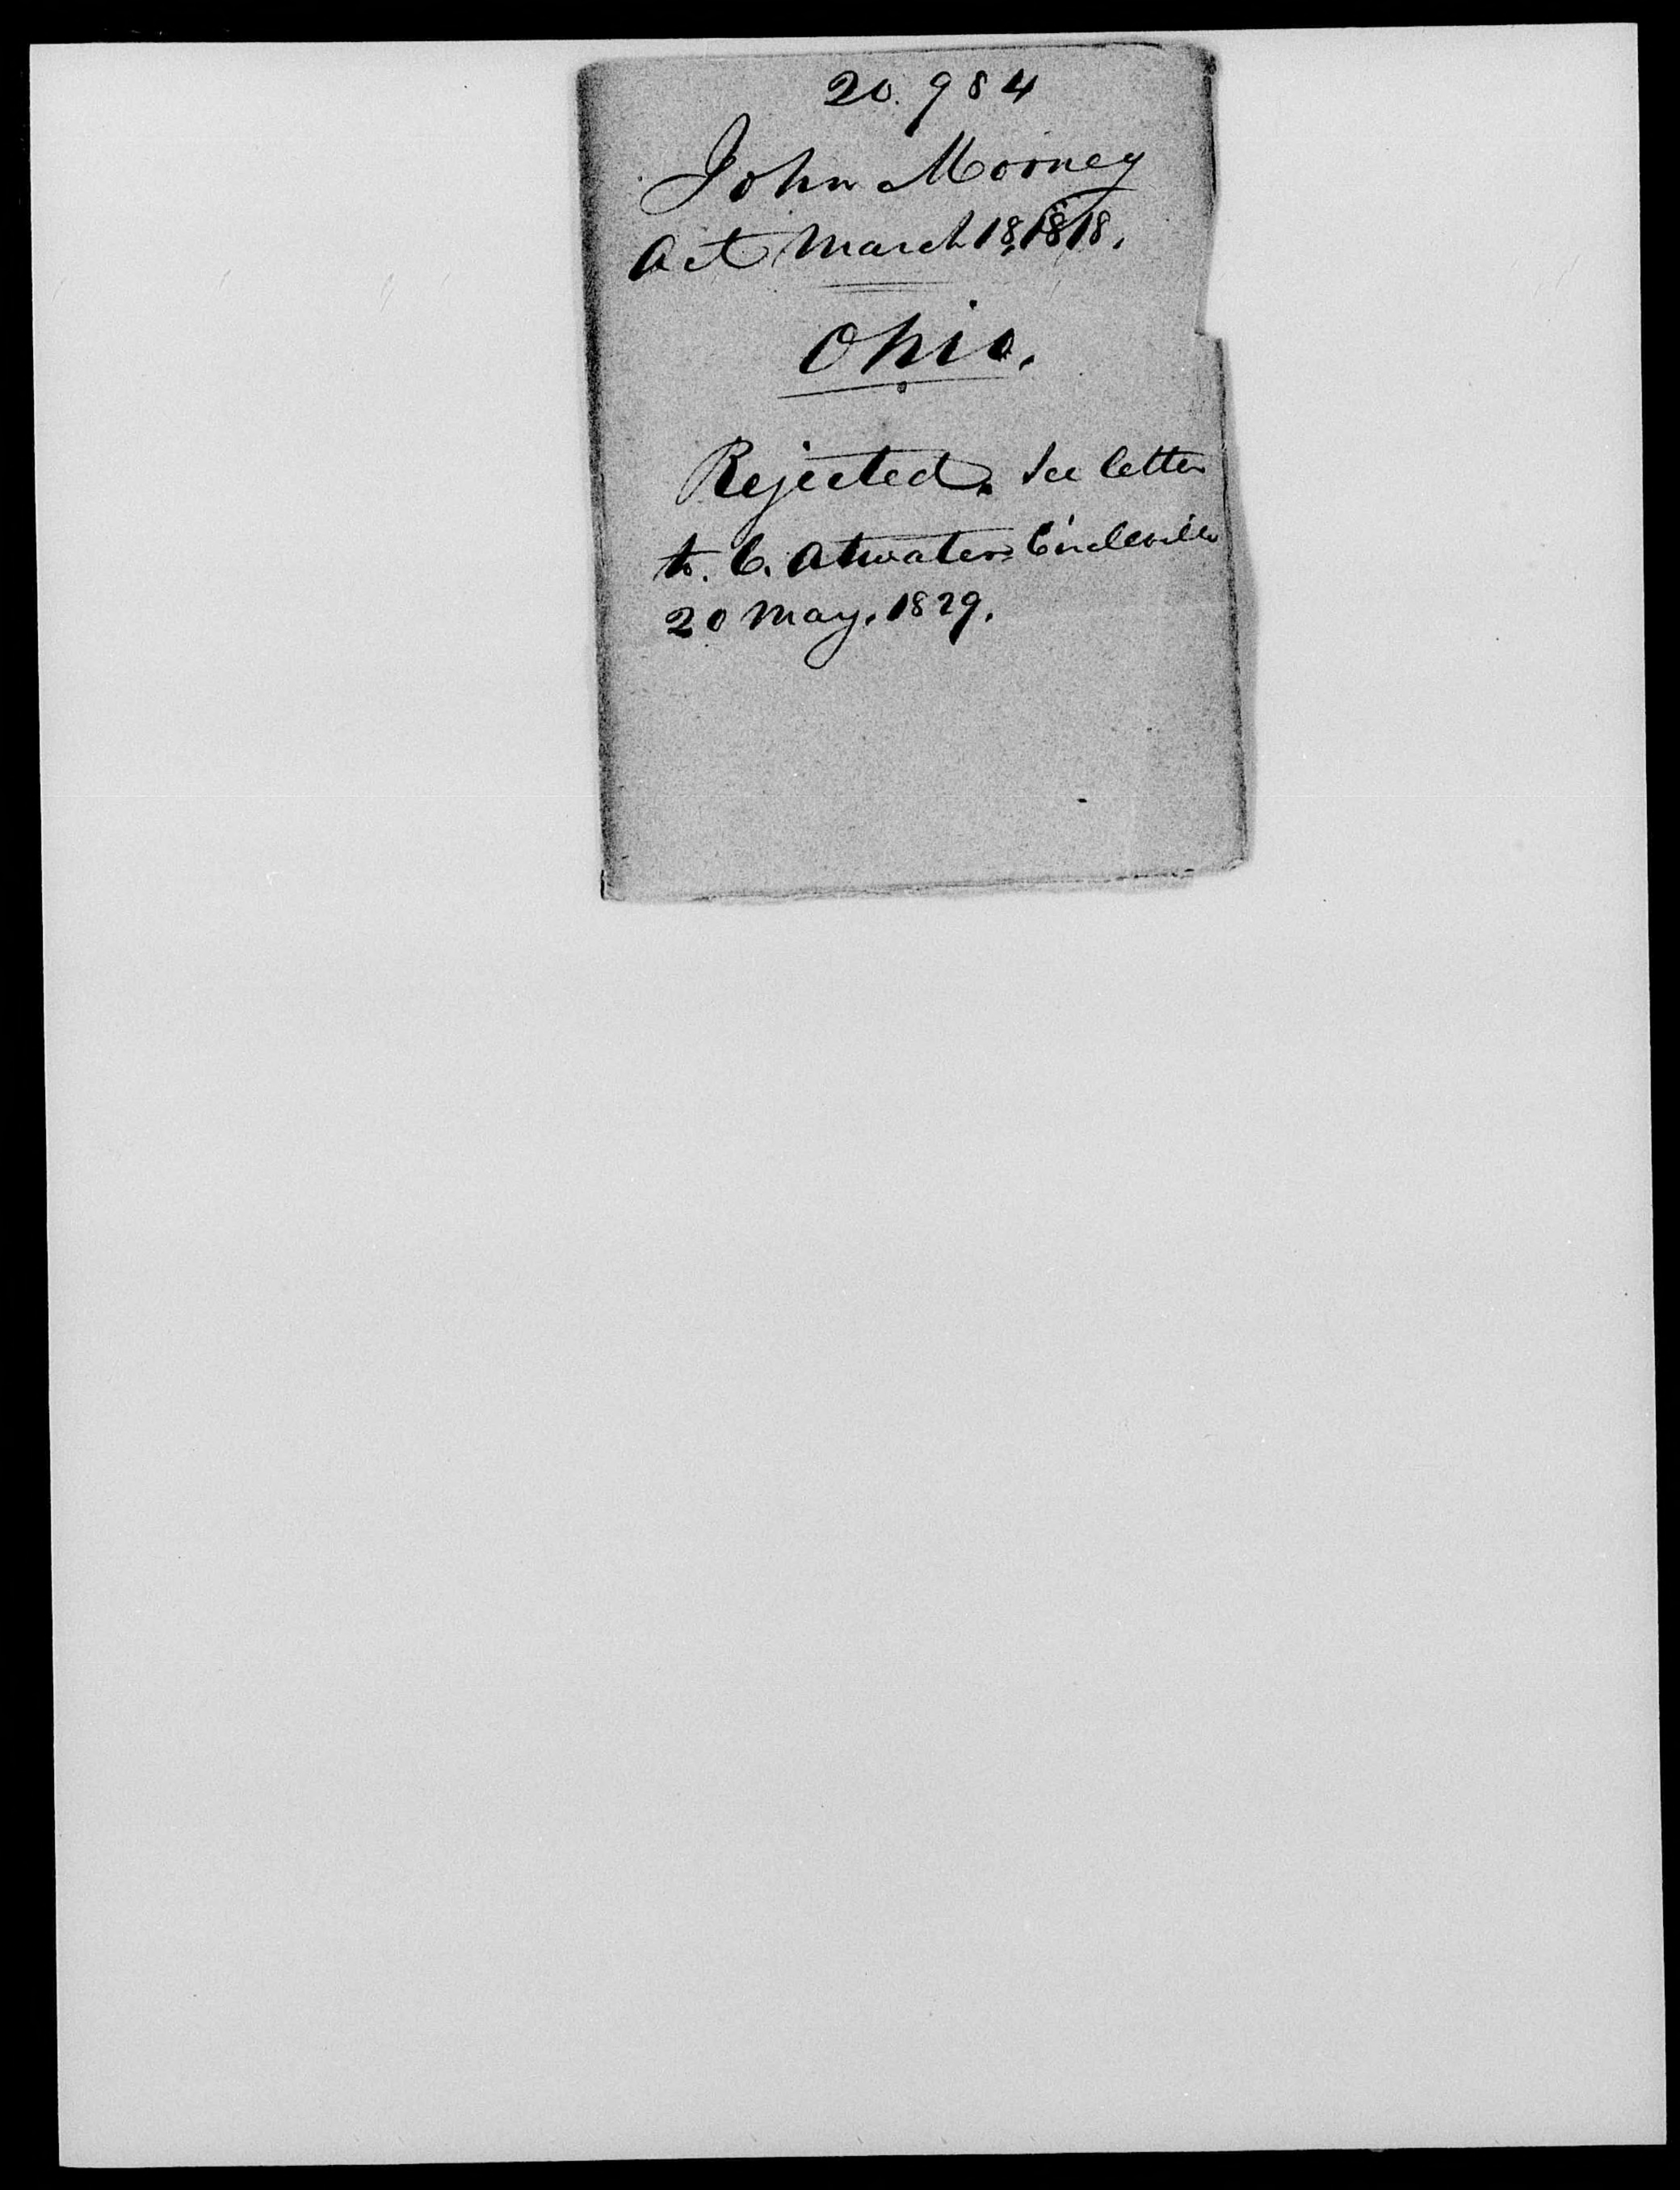20984
John Mooney
Act March 18, 1818
OHIO
Rejected, Ice letter
A. G. Atwater Circleosle
20 May , 1829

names: John Moomy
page: 4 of 9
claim: rejected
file: R. 16,627, for John Mummy, Maryland